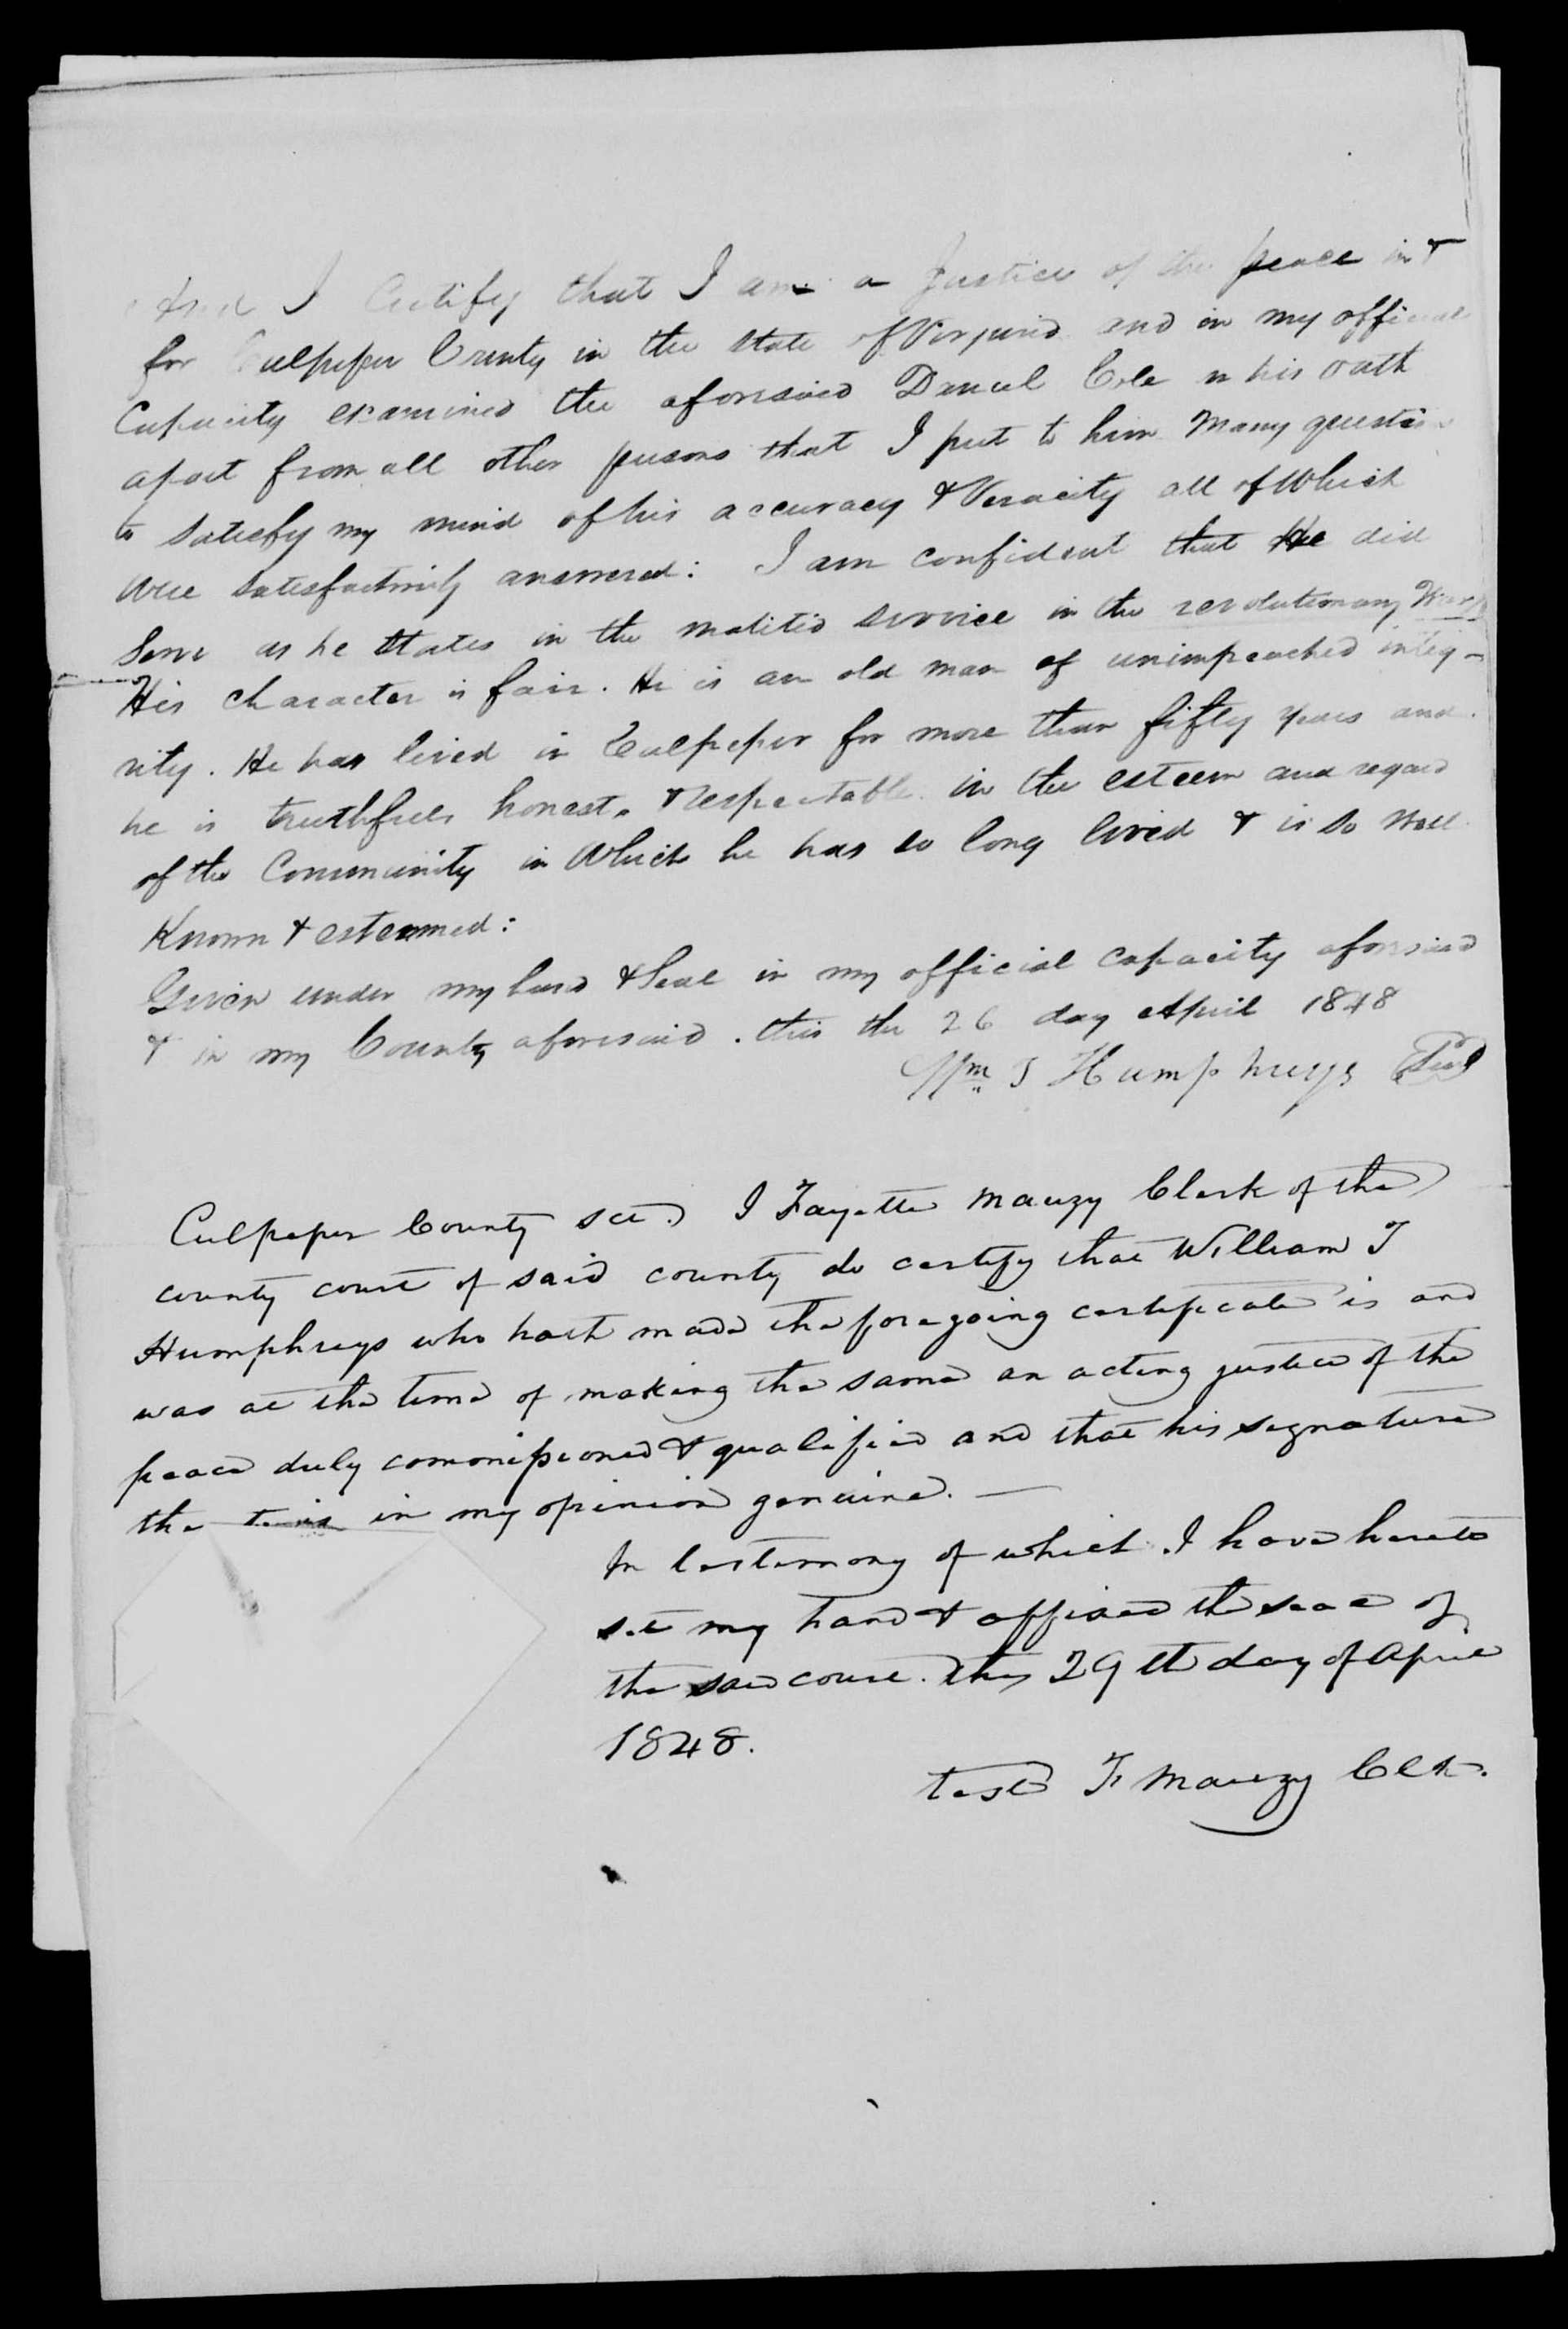And I certify that I am a Justice of the peace in
& for Culpeper County in the State of Virginia and in my official Capacity examined the aforesaid Daniel Cole his oath apart from all other persons that I put to him many questions to satisfy my mind of his accuracy & Veracity all of which were satisfactorily answered: I am confident that he did
serve as he states in the militia service in the revolutionary
His character is fair. He is an old man of unimpeached integrity. He has lived in Culpeper for more than fifty years and
he is truthful, honest, & respectable in the esteem and regard of the Community in which he has so long lived & is so well Known & esteemed:
Given under my hand & seal in my official capacity aforesaid & in my County aforesaid this the 26 day April 1848
Wm T Humphreys  [seal]
Culpeper County Sct I Fayette Mauzy Clerk of the County Court of said County do certify that William T Humphreys who hath made the foregoing certificate is and was at the time of making the same an acting justice of the
peace duly commissioned & qualified and that his signature the time in my opinion genuine.-
In testimony of which I have hereto set
my hand & affixed the seal of
the said court this 29th day of April 1848.
testi
F Mauzy Clk [clerk]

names: Fayette Mauzy, Daniel Cole, F Mauzy, William T Humphreys, Wm T Humphreys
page: 25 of 61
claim: survivor's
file: S. 8236, Daniel Cole, Va.